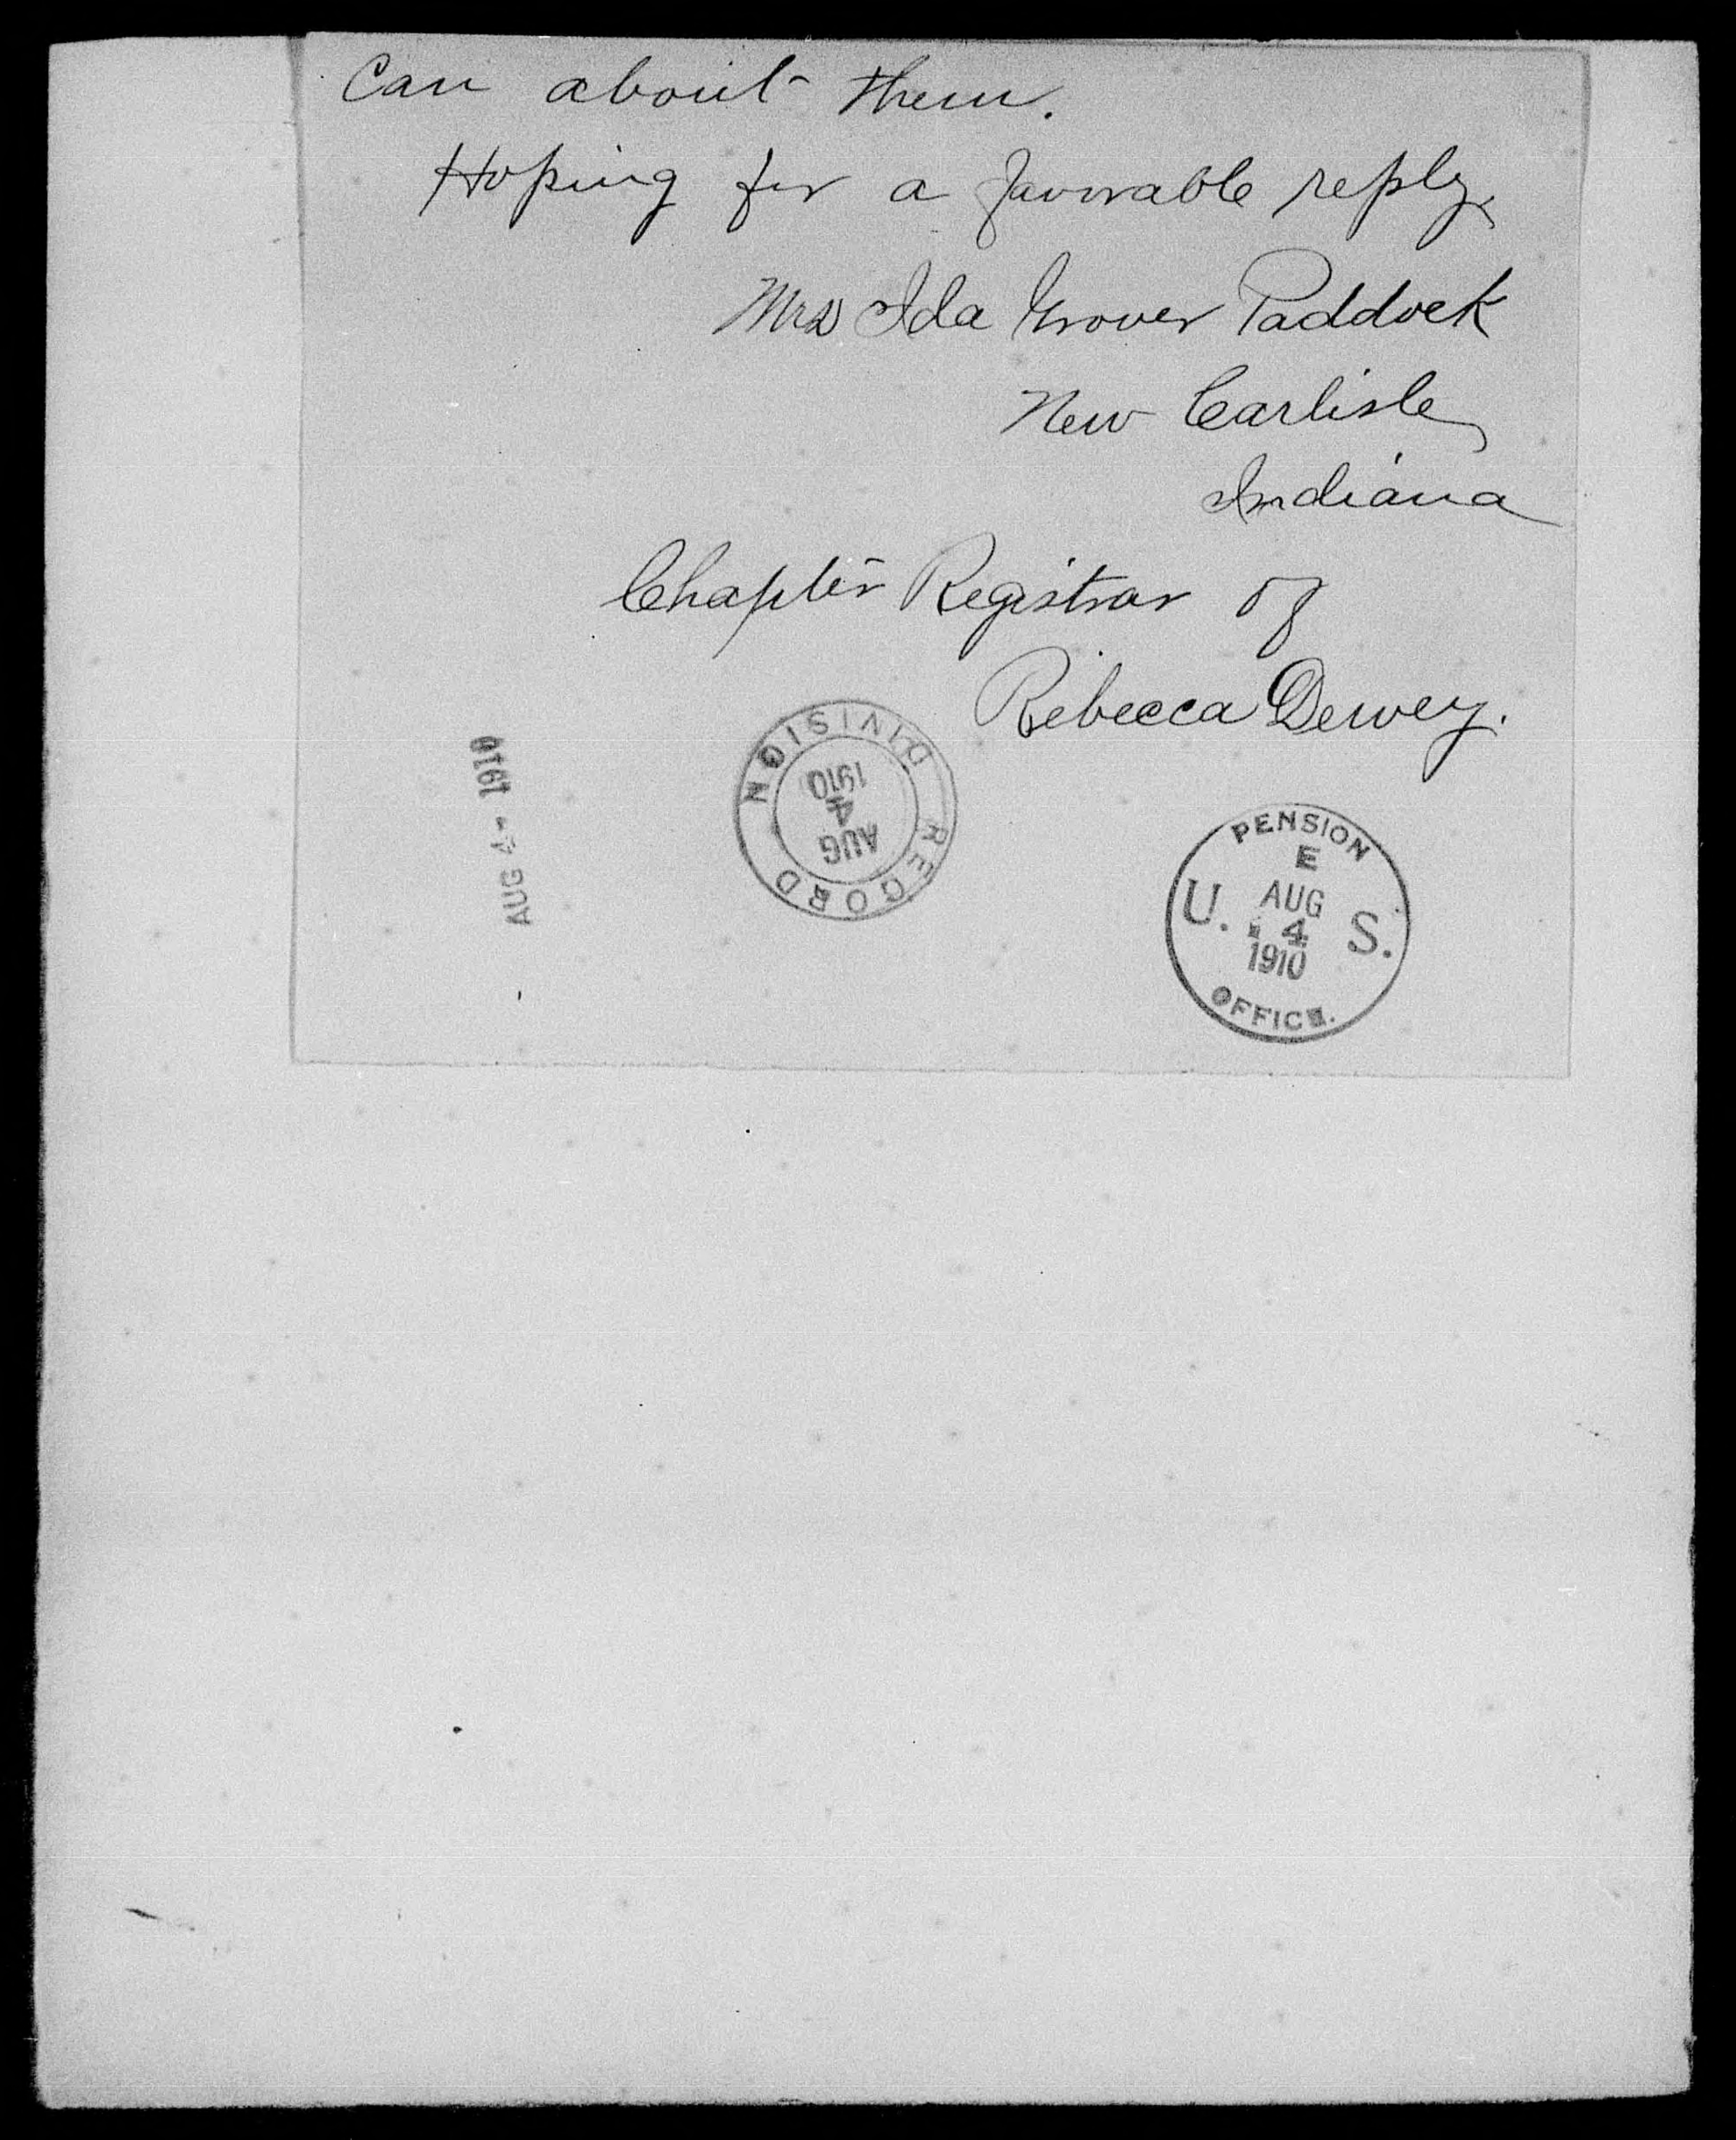[handwritten letter]
can about them. 
Hoping for a favorable reply. 
/s/Mrs Ida Grover Paddock
New Carlisle Indiana
Chapter Registrar of Rebecca Dewey
[receipt stamp: RECORD DIVISION AUG 4 1910]
[receipt stamp: U. S. PENSION OFFICE. E AUG 4 1910]
[date stamp: AUG 4-1910]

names: Rebecca Dewey, Ida Grover Paddock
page: 38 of 43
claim: survivor's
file: S. 28748, Eleazer Grover, Continental Mass. Vt.